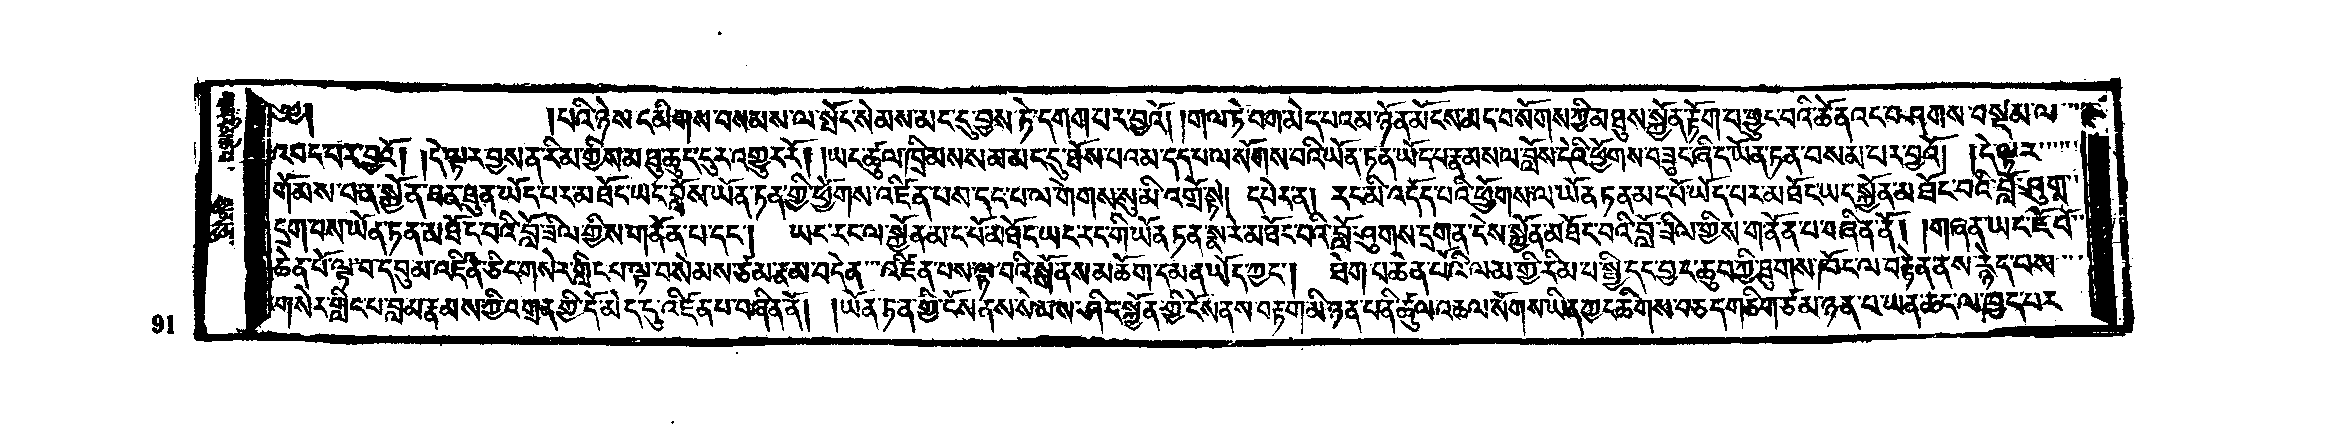༄༅། །བའི་ཉེས་དམིགས་བསམས་ལ་སྤོང་སེམས་མང་དུ་བྱས་ཏེ་དགག་པར་བྱའོ། །གལ་ཏེ་བག་མེད་པའམ་ཉོན་མོངས་མང་བ་སོགས་ཀྱི་མཐུས་སྐྱོན་རྟོག་པ་བྱུང་བའི་ཚེ་ནའང་བཤགས་བསྡམ་ལ་
འབད་པར་བྱའོ། །དེ་ལྟར་བྱས་ན་རིམ་གྱིས་མཐུ་ཆུང་ངུར་འགྱུར་རོ། །ཡང་ཚུལ་ཁྲིམས་སམ་མང་དུ་ཐོས་པའམ་དད་པ་ལ་སོགས་པའི་ཡོན་ཏན་ཡོད་པ་རྣམས་ལ་བློས་དེའི་ཕྱོགས་བཟུང་ཞིང་ཡོན་ཏན་བསམ་པར་བྱའོ། །དེ་ལྟར་
གོམས་པ་ན་སྐྱོན་ཐན་ཐུན་ཡོད་པར་མཐོང་ཡང་བློས་ཡོན་ཏན་གྱི་ཕྱོགས་འཛིན་པས་དད་པ་ལ་གེགས་སུ་མི་འགྲོ་སྟེ། དཔེར་ན། རང་མི་འདོད་པའི་ཕྱོགས་ལ་ཡོན་ཏན་མང་པོ་ཡོད་པར་མཐོང་ཡང་སྐྱོན་མཐོང་བའི་བློ་ཤུགས་
དྲག་པས་ཡོན་ཏན་མཐོང་བའི་བློ་ཟིལ་གྱིས་གནོན་པ་དང་། ཡང་རང་ལ་སྐྱོན་མང་པོ་མཐོང་ཡང་རང་གི་ཡོན་ཏན་སྣ་རེ་མཐོང་བའི་བློ་ཤུགས་དྲག་ན་དེས་སྐྱོན་མཐོང་བའི་བློ་ཟིལ་གྱིས་གནོན་པ་བཞིན་ནོ། །གཞན་ཡང་ཇོ་བོ་
ཆེན་པོ་ལྟ་བ་དབུ་མ་འཛིན་ཅིང་གསེར་གླིང་པ་ལྟ་བ་སེམས་ཙམ་རྣམ་བདེན་འཛིན་པས་ལྟ་བའི་སྒོ་ནས་མཆོག་དམན་ཡོད་ཀྱང་། ཐེག་པ་ཆེན་པོའི་ལམ་གྱི་རིམ་པ་སྤྱི་དང་བྱང་ཆུབ་ཀྱི་ཐུགས་ཁོང་ལ་བརྟེན་ནས་རྙེད་པས་
གསེར་གླིང་པ་བླ་མ་རྣམས་ཀྱི་འགྲན་གྱི་དོ་མེད་དུ་འཛིན་པ་བཞིན་ནོ། །ཡོན་ཏན་གྱི་ངོས་ནས་སེམས་ཤིང་སྐྱོན་གྱི་ངོས་ནས་བརྟག་མི་ཉན་པ་ནི་ཚུལ་འཆལ་སོགས་ཡིན་ཀྱང་ཚིགས་བཅད་གཅིག་ཙམ་ཉན་པ་ཡན་ཆད་ལ་ཁྱད་པར་